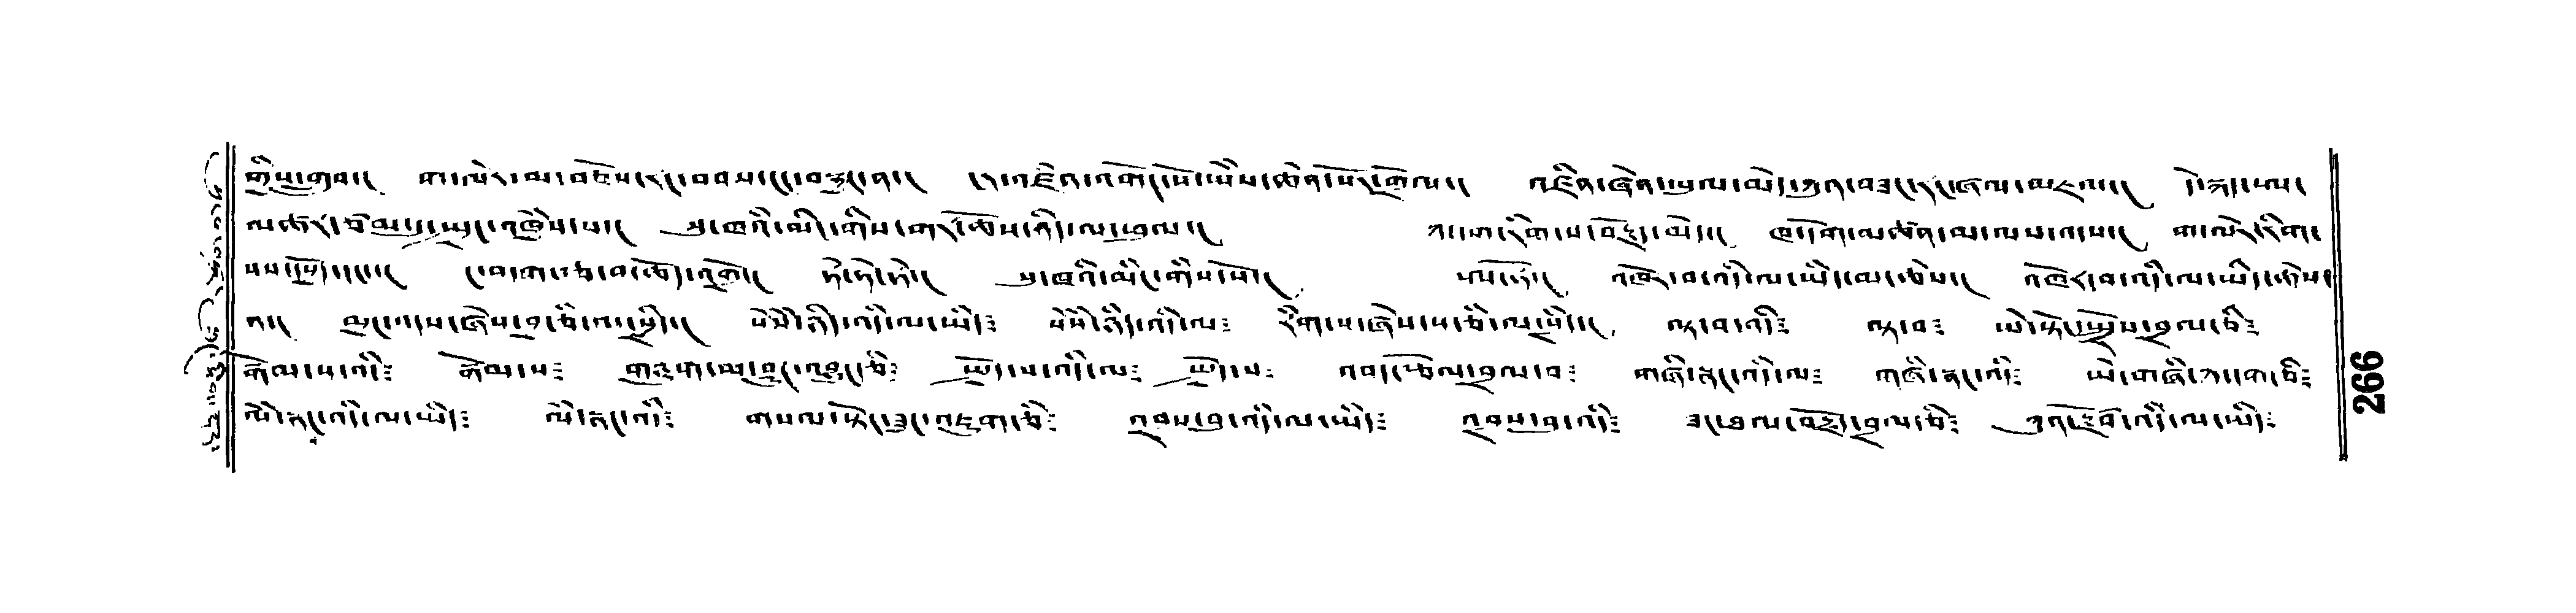གྱིས་གྲུབ། །ག་ལེར་མ་བཅོས་རང་བབས་ངང་བསྐྱང་ན། ངར་འཛིན་འགོང་པོ་ཡེ་ཤེས་ཆེན་པོར་གྲོལ། །འཛིན་ཞེན་ཡུལ་མེད་ཀུན་བཟང་རང་ཞལ་མཇལ། །དེ་སྐད་ཨ་
མཚར་ཙམ་དུ་སྤྲང་འཁྱམས་པ། །སུ་ཁའི་མིང་གིས་གར་ཆོས་ཉིད་ལ་ཕུལ།། ཀ་དག་རིག་པ་བརྗོད་མེད། ཁ་དོག་མཚན་མ་ལས་འདས། །ག་ལེར་རིགས་
པས་དཔྱོད་དང་། །ང་བདག་རྩ་བ་ཆོད་འགྲོ། ཧེ་ཧེ་ཧེ། སུ་ཁའི་མིང་གིས་སོ།། ཨ་ཧོ། འཁོར་བ་འདི་ལ་ཡིད་མ་ཆེས། །འཁོར་བ་འདི་ལ་ཡིད་ཆེས་
ན། །མྱང་འདས་ཞེས་བྱ་ཅི་ལ་སྲིད། །སེམས་ཉིད་འདི་ལ་ཡིད༴ སེམས་ཉིད་འདི་ལ༴ རིག་པ་ཞེས་པ་ཅི་ལ་སྲིད། ལྟ་བ་འདི༴ ལྟ་བ༴ ཡེ་སྟོང་སྤྲོས་བྲལ་ཅི༴ 
སྒོམ་པ་འདི༴ སྒོམ་པ༴ གཉུག་མ་ཤུགས་འབྱུང་ཅི༴ སྤྱོད་པ་འདི་ལ༴ སྤྱོད་པ༴ འབད་རྩོལ་བྲལ་བ༴ གཞི་སྣང་འདི་ལ༴ གཞི་སྣང་འདི༴ ཡེ་གཞི་ཀ་དག་ཅི༴ 
ལམ་སྣང་འདི་ལ་ཡིད༴ ལམ་སྣང་འདི༴ གསལ་སྟོང་ཟུག་འཇུག་ཅི༴ འབྲས་བུ་འདི་ལ་ཡིད༴ འབྲས་བུ་འདི༴ ཟང་ཐལ་བརྗོད་བྲལ་ཅི༴ ཀུན་རྫོབ་འདི་ལ་ཡིད༴